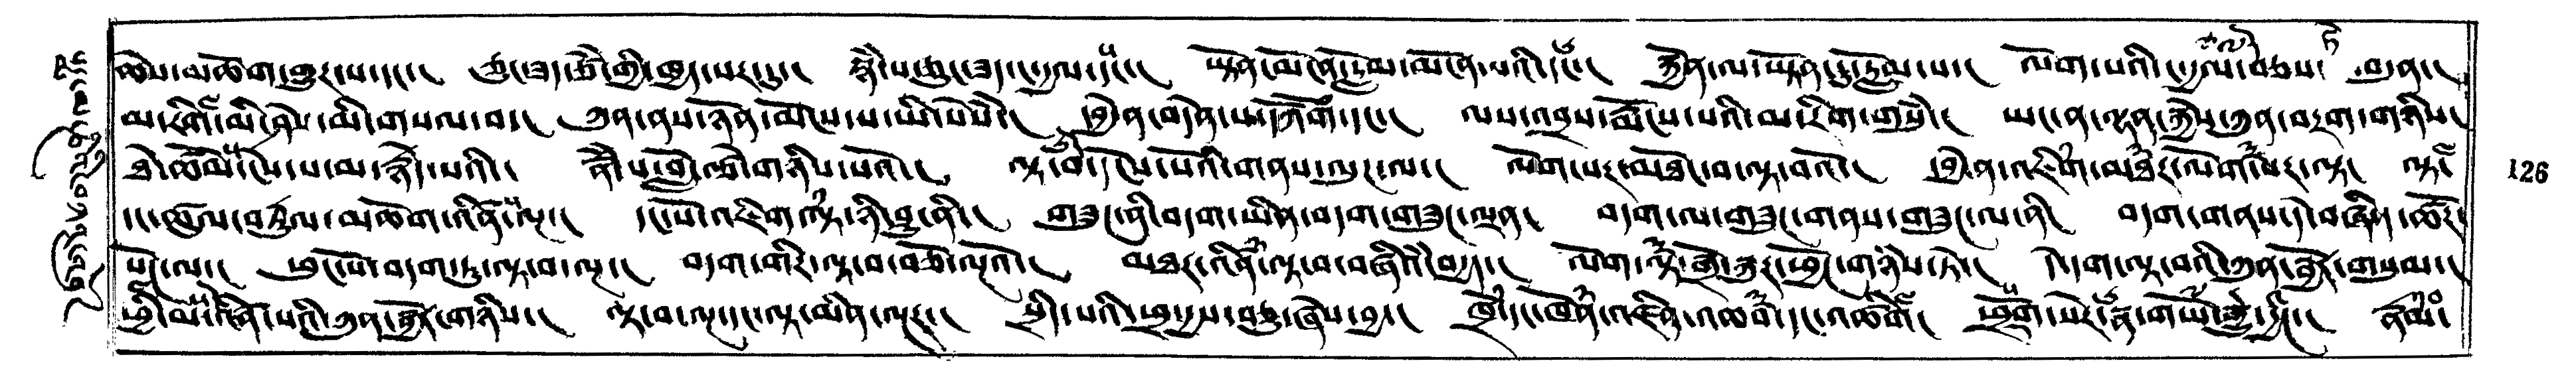ཆེས་མཆོག་གྱུར་པ་དང་། །ཅུང་ཟད་ཙམ་གྱི་ཁྱད་པར་དུ། །སྙམ་པ་ཅུང་ཟད་ང་རྒྱལ་དང་། །ཡོན་ཏན་མངོན་རློམ་མངོན་པའི་དང་། །སྐྱོན་ལ་ཡོན་ཏན་དུ་རློམ་པ། །ལོག་པའི་ང་རྒྱལ་བཅས་ཏེ་བདུན། །
མ་རིག་མི་ཤེས་མི་གསལ་བ། །ཀུན་ནས་ཉོན་མོངས་པ་ཡི་སེམས། །དབྱེ་ན་བདེན་པ་དཀོན་མཆོག་དང་། །ལས་འབྲས་རྨོངས་པའི་མ་རིག་གསུམ། །ཡང་ན་ལྷན་སྐྱེས་ཀུན་བརྟགས་གཉིས། །
ཐེ་ཚོམ་ངེས་པ་མ་རྙེད་པའི། །རྣམ་པ་བློ་རྩེ་གཉིས་པའོ། །ལྟ་བ་དངོས་པོའི་གནས་ལུགས་ལ། །ལོག་པར་མཐོང་བ་ལྟ་བའོ། །དབྱེ་ན་འཇིག་མཐར་ལོག་པར་ལྟ། །ལྟ་
དང་ཚུལ་བརྟུལ་མཆོག་འཛིན་ལྔ། །དང་པོ་འཇིག་ལྟ་ཉི་ཤུ་ནི། །གཟུགས་ནི་བདག་ཡིན་བདག་གཟུགས་ལྡན། །བདག་ལ་གཟུགས་གནས་གཟུགས་ལ་ནི། །བདག་གནས་དེ་བཞིན་ཚོར་
སོགས་ལ། །ཕུང་པོ་བདག་ཏུ་ལྟ་བ་ལྔ། །བདག་གིར་ལྟ་བ་བཅོ་ལྔའོ། །མཐར་འཛིན་ལྟ་བ་བཞིའམ་བརྒྱད། །ལོག་ལྟ་སྒྲོ་སྐུར་ཕྱོགས་གཉིས་ཏེ། །དེ་དག་ལྟ་བའི་ཀུན་སྦྱོར་གསུམ། །
ཕྱི་མ་འཛིན་པའི་ཀུན་སྦྱོར་གཉིས། །ལྟ་བ་ལྔ་དང་ལྟ་མིན་ལྔར། །སྲིད་པའི་ཕྲ་རྒྱས་བཅུ་ཞེས་བྱ། །ཁྲོ་དང་འཁོན་འཛིན་འཆབ་དང་འཚིགཕྲག་དོག་སེར་སྣ་གཡོ་སྒྱུ་རྒྱགས། །རྣམ་